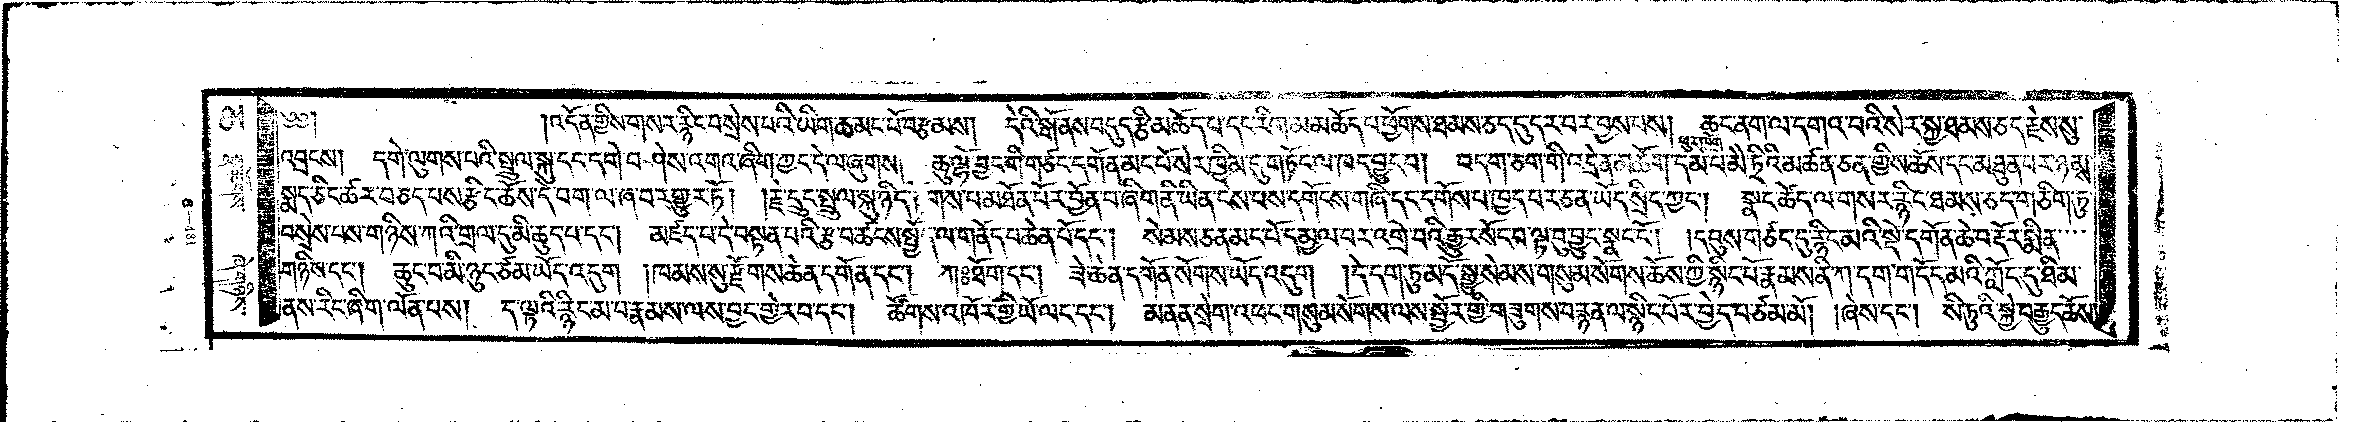༄༅། །འདོན་གྱིས་གསར་རྙིང་བསྲེས་པའི་ཡིག་ཆ་མང་པོ་བརྩམས། དེའི་སྒོ་ནས་བདུད་རྩི་མཆོད་པ་དང་རིག་མ་མཆོད་པ་ཕྱོགས་ཐམས་ཅད་དུ་དར་བར་བྱས་པས། ཕུར་ལོག་ཆང་ནག་ལ་དགའ་བའི་སེར་སྐྱ་ཐམས་ཅད་རྗེས་སུ་
འབྲངས། དགེ་ལུགས་པའི་སྤྲུལ་སྐུ་དང་དགེ་བཤེས་འགའ་ཞིག་ཀྱང་དེ་ལ་ཞུགས། ཆུ་ལྷོ་བྱང་གི་གཙང་དགོན་མང་པོ་སེར་ཁྱིམ་དུ་གཏོང་ལ་ཁ་དབྱུང་བ། བདག་ཅག་གི་འདྲེན་མཆོག་དམ་པ་མཻ་ཏྲིའི་མཚན་ཅན་གྱིས་ཆོས་དང་མཐུན་པར་ཉམས་
སྨད་ཅིང་ཚར་བཅད་པས་རྩིང་ཆོས་དེ་བག་ལ་ཞ་བར་གྱུར་ཏོ། །རྗེ་དྲུང་སྤྲུལ་སྐུ་ཉིད་རྟོགས་པ་མཐོན་པོར་བྱོན་བ་ཞིག་ནི་ཡིན་ངེས་པས་དགོངས་གཞི་དང་དགོས་པ་ཁྱད་པར་ཅན་ཡོད་སྲིད་ཀྱང་། སྣང་ཚེད་ལ་གསར་རྙིང་ཐམས་ཅད་གཅིག་ཏུ་
བསྲེས་པས་གཉིས་ཀའི་གྲལ་དུ་མི་ཆུད་པ་དང་། མཛད་པ་དེ་བསྟན་པའི་རྩ་བ་ཚངས་སྤྱོད་ལ་གནོད་པ་ཆེན་པོ་དང་། སེམས་ཅན་མང་པོ་དམྱལ་བར་འགྲོ་བའི་རྒྱུར་སོང་བ་ལྟ་བུ་བྱུང་སྣང་ངོ། །དབུས་གཙང་དུ་རྙིང་མའི་སྡེ་དགོན་ཆེ་བ་རྡོར་སྨིན་
གཉིས་དང་། ཆུང་བ་མི་ཉུང་ཙམ་ཡོད་འདུག །ཁམས་སུ་རྫོགས་ཆེན་དགོན་དང་། ཀཿཐོག་དང་། ཟེ་ཆེན་དགོན་སོགས་ཡོད་འདུག །དེ་དག་ཏུ་མདོ་སྒྱུ་སེམས་གསུམ་སོགས་ཆོས་ཀྱི་སྙིང་པོ་རྣམས་ནི་ཀ་དག་གདོད་མའི་ཀློང་དུ་ཐིམ་
ནས་རིང་ཞིག་ལོན་པས། ད་ལྟའི་རྙིང་མ་བ་རྣམས་ལས་བྱང་གྱེར་བ་དང་། ཚོགས་འཁོར་གྱི་ཡོ་ལང་དང་། མནན་སྲེག་འཕང་གསུམ་སོགས་ལས་སྦྱོར་གྱི་གཟུགས་བརྙན་ལ་སྙིང་པོར་བྱེད་པ་ཙམ་མོ། །ཞེས་དང་། སི་ཏུའི་སྐྱེ་བརྒྱུད་ཆོས་